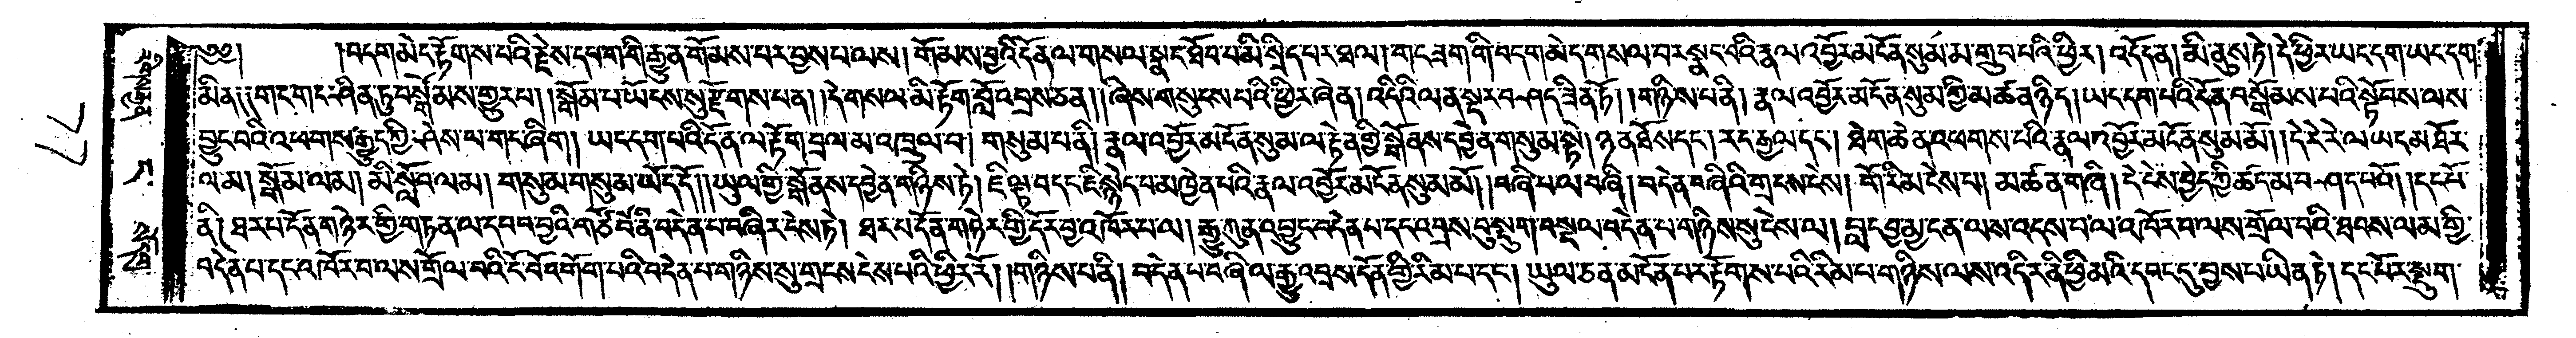༄༅། །བདག་མེད་རྟོགས་པའི་རྗེས་དཔག་གི་རྒྱུན་གོམས་པར་བྱས་པ་ལས། གོམས་བྱའི་དོན་ལ་གསལ་སྣང་ཐོབ་པ་མི་སྲིད་པར་ཐལ། གང་ཟག་གི་བདག་མེད་གསལ་བར་སྣང་བའི་རྣལ་འབྱོར་མངོན་སུམ་མ་གྲུབ་པའི་ཕྱིར། འདོད་ན། མི་ནུས་ཏེ། དེ་ཕྱིར་ཡང་དག་ཡང་དག་
མིན༑ ༑གང་གང་ཤིན་ཏུ་བསྒོམས་གྱུར་པ། །སྒོམ་པ་ཡོངས་སུ་རྫོགས་པ་ན། །དེ་གསལ་མི་རྟོག་བློ་འབྲས་ཅན། །ཞེས་གསུངས་པའི་ཕྱིར་ཞེ་ན། འདིའི་ལན་སྔར་བཤད་ཟིན་ཏོ། །གཉིས་པ་ནི། རྣལ་འབྱོར་མངོན་སུམ་གྱི་མཚན་ཉིད། ཡང་དག་པའི་དོན་བསྒོམས་པའི་སྟོབས་ལས་
བྱུང་བའི་འཕགས་རྒྱུད་ཀྱི་ཤེས་པ་གང་ཞིག །ཡང་དག་པའི་དོན་ལ་རྟོག་བྲལ་མ་འཁྲུལ་བ། གསུམ་པ་ནི། རྣལ་འབྱོར་མངོན་སུམ་ལ་རྟེན་གྱི་སྒོ་ནས་དབྱེ་ན་གསུམ་སྟེ། ཉན་ཐོས་དང་། རང་རྒྱལ་དང་། ཐེག་ཆེན་འཕགས་པའི་རྣལ་འབྱོར་མངོན་སུམ་མོ། །དེ་རེ་རེ་ལ་ཡང་མཐོང་
ལམ༑ སྒོམ་ལམ། མི་སློབ་ལམ། གསུམ་གསུམ་ཡོད་དོ། །ཡུལ་གྱི་སྒོ་ནས་དབྱེ་ན་གཉིས་ཏེ། ཇི་ལྟ་བ་དང་ཇི་སྙེད་པ་མཁྱེན་པའི་རྣལ་འབྱོར་མངོན་སུམ་མོ། །བཞི་པ་ལ་བཞི། བདེན་བཞིའི་གྲངས་ངེས། གོ་རིམ་ངེས་པ། མཚན་གཞི། དེ་ངེས་བྱེད་ཀྱི་ཚད་མ་བཤད་པའོ། །དང་པོ་
ནི༑ ཐར་པ་དོན་གཉེར་གྱི་གཏན་ལ་དབབ་བྱའི་གཙོ་བོ་ནི་བདེན་པ་བཞིར་ངེས་ཏེ། ཐར་པ་དོན་གཉེར་གྱི་དོར་བྱ་འཁོར་བ་ལ། རྒྱུ་ཀུན་འབྱུང་བདེན་པ་དང་འབྲས་བུ་སྡུག་བསྔལ་བདེན་པ་གཉིས་སུ་ངེས་ལ། བླང་བྱ་མྱ་ངན་ལས་འདས་པ་ལ་འཁོར་བ་ལས་གྲོལ་བའི་ཐབས་ལམ་གྱི་
བདེན་པ་དང་འཁོར་བ་ལས་གྲོལ་བའི་ངོ་བོ་འགོག་པའི་བདེན་པ་གཉིས་སུ་གྲངས་ངེས་པའི་ཕྱིར་རོ། །གཉིས་པ་ནི། བདེན་པ་བཞི་ལ་རྒྱུ་འབྲས་དོན་གྱི་རིམ་པ་དང་། ཡུལ་ཅན་མངོན་པར་རྟོགས་པའི་རིམ་པ་གཉིས་ལས་འདིར་ནི་ཕྱི་མའི་དབང་དུ་བྱས་པ་ཡིན་ཏེ། དང་པོར་སྡུག་